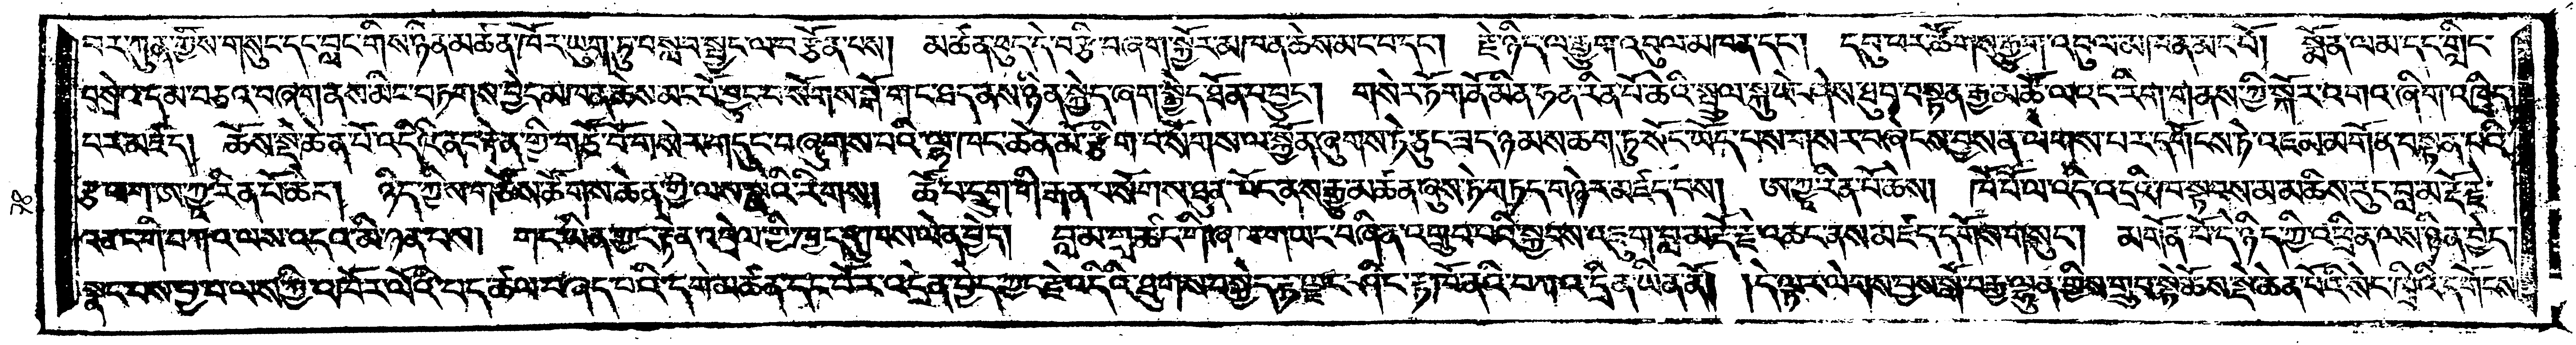བར་ཀུན་གྱིས་གསུང་དང་བླང་གིས་ཉིན་མཚན་ཁོར་ཡུག་ཏུ་བསླབ་སྦྱང་ལ་བརྩོན་པས། མཚན་ཕུད་དེ་བརྩི་བཞག་སྐྱོར་མཁན་ཆེས་མང་བ་དང་། རྗེ་ཉིད་ལ་རྒྱུག་འབུལ་མཁན་དང་། དབུ་ཕར་ཚོགས་རྒྱུག་འབུལ་མཁན་མང་པོ། སྨོན་ལམ་དང་གླིང་
བསྲེའི་དམ་བཅའ་བཞག་ནས་མིང་བཏགས་བྱེད་མཁན་ཆེས་མང་པོ་བྱུང་བ་སོགས་སྒོ་གང་ཐད་ནས་ཉིན་སྐྱེད་ཞག་སྐྱེད་ཐོན་བ་བྱུང་། གསེར་ཏོག་ནོ་མིན་ཧན་རིན་པོ་ཆེའི་སྤྲུལ་སྐུ་ཡེ་ཤེས་ཐུབ་བསྟན་རྒྱ་མཚོ་ལའང་རིག་གནས་ཀྱི་སྐོར་འགའ་ཞིག་འཁྲིད་
པར་མཛད། ཆོས་སྡེ་ཆེན་པོ་འདིའི་ནང་རྟེན་གྱི་གཙོ་བོ་གསེར་གདུང་བཞུགས་པའི་ལྷ་ཁང་ཆེན་མོ་རྩིག་པ་སོགས་ལ་སྐྱོན་ཞུགས་ཏེ་ཅུང་ཟད་ཉམས་ཆག་ཏུ་སོང་ཡོད་པས་གསར་བཞེངས་བྱས་ན་ལེགས་པར་དགོངས་ཏེ་འཇམ་མགོན་བསྟན་པའི་
རྩ་ལག་ཨ་ཀྱཱ་རིན་བོ་ཆེར། ཉིད་ཀྱིས་གཙོས་ཚོགས་ཆེན་གྱི་ལས་སྣེའི་རིགས། ཚོ་པ་དྲུག་གི་རྒན་པ་སོགས་ཐུན་མོང་ནས་རྒྱུ་མཚན་ཞུས་ཏེ་གཏད་གཉེར་མཛད་པས། ཨ་ཀྱཱ་རིན་པོ་ཆེས། ཁོ་བོ་ལ་འདི་འདྲའི་ཁ་སྟབས་མ་མཆིས་རུང་བླ་མ་རྡོ་རྗེ་
འཆང་གི་བཀའ་ལས་འདའ་མི་ཉན་པས། གང་ཡིན་ཀྱང་རྟེན་འབྲེལ་གྱི་ཁྱད་དུ་ཁས་ལེན་བྱེད། བླ་མ་གྲྭ་ཚང་གི་ཞལ་གཡང་བཞིན་འགྲུབ་པའི་སྐྱབས་འཇུག་བླ་མ་རྡོ་རྗེ་འཆང་ནས་མཛད་དགོས་གསུང་། མགོན་པོ་དེ་ཉིད་ཀྱི་འཕྲིན་ལས་ཉིན་བྱེད་
སྣང་བས་བྱ་བ་ལས་ཀྱི་འཁོར་ལོའི་པད་ཚལ་བཞད་བའི་དགེ་མཚན་དང་པོར་འདྲེན་བྱེད་ཀྱང་རྗེ་འདིའི་ཐུགས་བསྐྱེད་རྟ་ལྗང་ཤིང་རྟ་ཁོ་ནའི་བཀའ་དྲིན་ཡིན་ནོ། །དེ་ལྟར་ལེགས་བྱས་སྒོ་བརྒྱ་ལྷུན་གྱིས་གྲུབ་སྟེ་ཆོས་སྡེ་ཆེན་པོའི་སེང་ཁྲིའི་དགོངས་